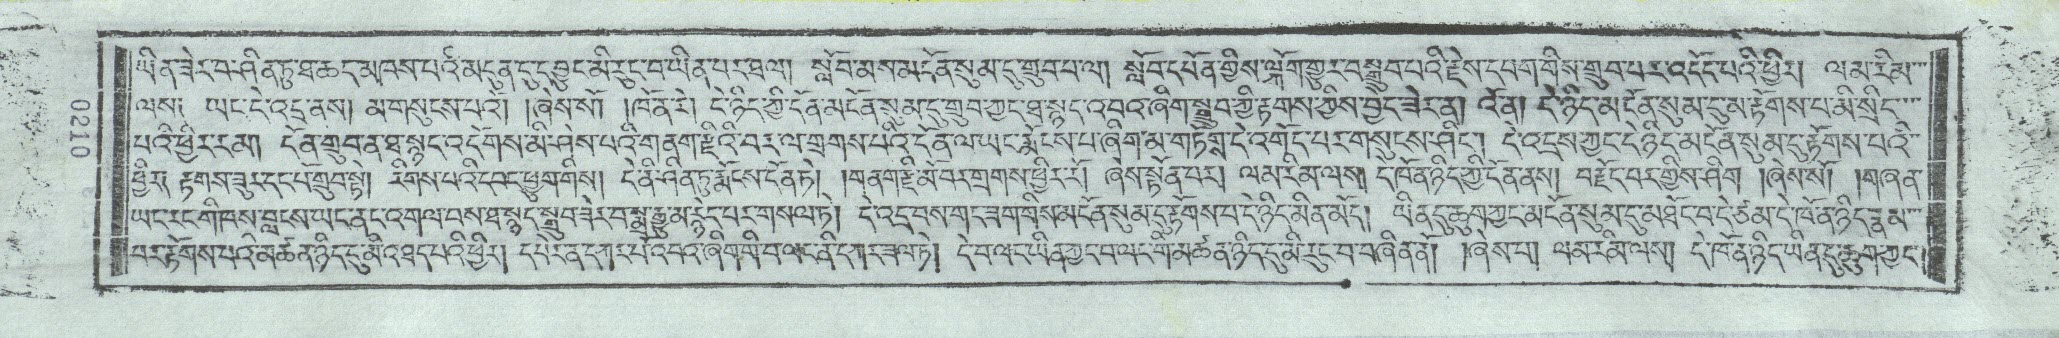ཡིན་ཟེར་བ་ཤིན་ཏུ་ཐ་ཆད་མཁས་པའི་མདུན་དུ་དབྱུང་མི་རུང་བ་ཡིན་པར་ཐལ། སློབ་མས་མངོན་སུམ་དུ་གྲུབ་བ་ལ། སློབ་དཔོན་གྱིས་ལྐོག་གྱུར་བསྒྲུབ་པའི་རྗེས་དཔག་གིས་གྲུབ་པར་འདོད་པའི་ཕྱིར། ལམ་རིམ་
ལས༑ ཡང་དེ་འདྲ་ནས། མ་གསུངས་པའོ། །ཞེས་སོ། །ཁོ་ན་རེ། དེ་ཉིད་ཀྱི་དོན་མངོན་སུམ་དུ་གྲུབ་ཀྱང་ཐ་སྙད་འབའ་ཞིག་སྒྲུབ་ཀྱི་རྟགས་ཀྱིས་བྱེད་ཟེར་ན། འོ་ན། དེ་ཉིད་མངོན་སུམ་དུ་མ་རྟོགས་པ་མི་སྲིད་
པའི་ཕྱིར་རམ། དོན་སྒྲུབ་ན་ཐ་སྙད་འདོགས་མི་ཤེས་པའི་གནག་རྫིའི་བར་ལ་གྲགས་པའི་དོན་ལ་ཡང་རྨོངས་པ་ཞིག་མ་གཏོགས་དེ་འགོད་པར་གསུངས་ཤིང་། དེ་འདྲས་ཀྱང་དེ་ཉིད་མངོན་སུམ་དུ་རྟོགས་པའི་
ཕྱིར༑ རྟགས་ཟུར་དང་པོ་གྲུབ་སྟེ། རིགས་པའི་དབང་ཕྱུག་གིས། དེ་ནི་ཤིན་ཏུ་རྨོངས་དོན་ཏེ། །གནག་རྫི་མོ་བར་གྲགས་ཕྱིར་རོ། ཞེས་སྟོན་པར། ལམ་རིམ་ལས། དེ་ཁོ་ན་ཉིད་ཀྱི་དོན་ནས། བརྗོད་པར་གྱིས་ཤིག །ཞེས་སོ། །གཞན་
ཡང་རང་གི་ཁས་བླངས་ཡང་ནང་འགལ་བས་ཐ་སྙད་སྒྲུབ་ཟེར་བ་སྨྲ་རྒྱུ་མ་རྙེད་པར་གསལ་ཏེ། དེ་འདྲ་བས་གང་ཟག་གིས་མངོན་སུམ་དུ་རྟོགས་པ་དེ་ཉིད་མིན་མོད། ཡིན་དུ་ཆུག་ཀྱང་མངོན་སུམ་དུ་མཐོང་བ་དེ་ཙམ་དེ་ཁོ་ན་ཉིད་རྣམ་
པར་རྟོགས་པའི་མཚན་ཉིད་དུ་མི་འཐད་པའི་ཕྱིར། དཔེར་ན་དཀར་པོ་འབའ་ཞིག་གི་བ་ལང་ནི་དཀར་ཟལ་ཏེ། དེ་བ་ལང་ཡིན་ཀྱང་བ་ལང་གི་མཚན་ཉིད་དུ་མི་རུང་བ་བཞིན་ནོ། །ཞེས་པ། ལམ་རིམ་ལས། དེ་ཁོ་ན་ཉིད་ཡིན་དུ་ཆུག་ཀྱང་།